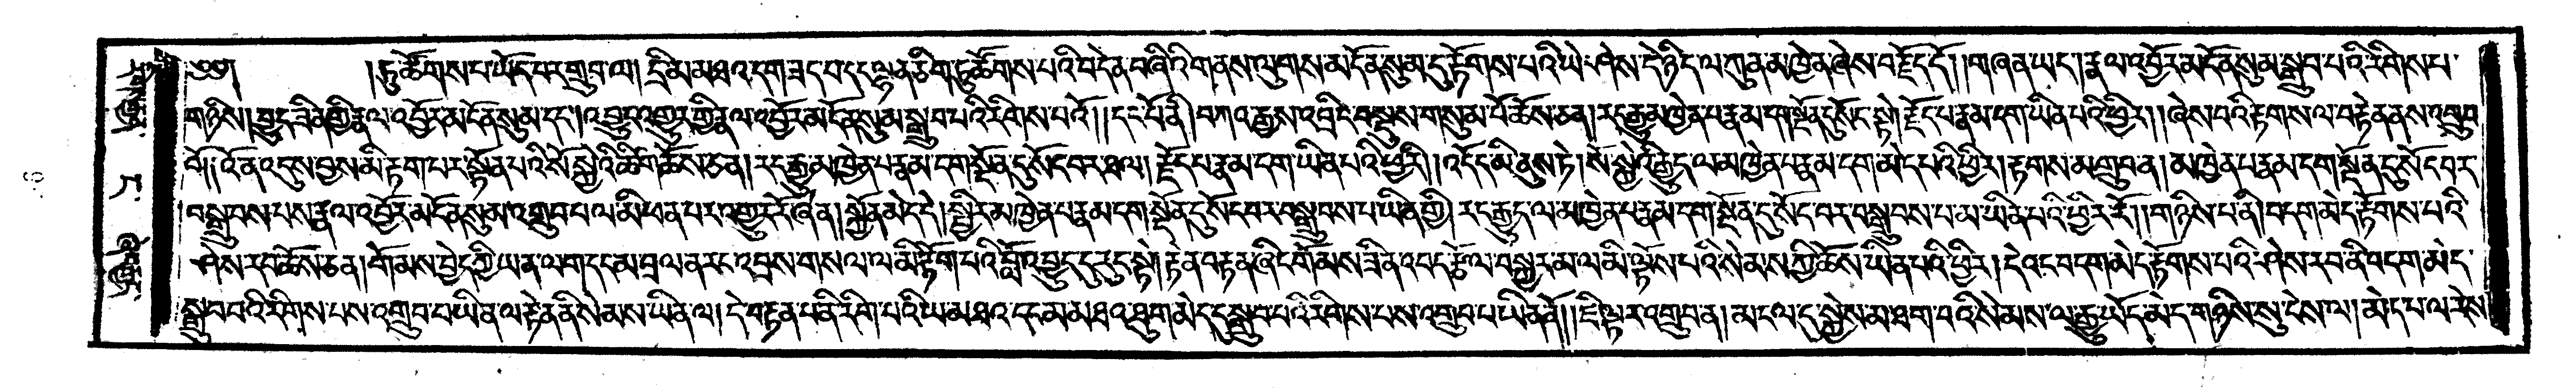༄༅། །ཏུ་ཚོགས་པ་ཡོད་པར་གྲུབ་ལ། དྲི་མ་མཐའ་དག་ཟད་པ་དང་ལྷན་ཅིག་ཏུ་ཚོགས་པའི་བདེན་བཞིའི་གནས་ལུགས་མངོན་སུམ་དུ་རྟོགས་པའི་ཡེ་ཤེས་དེ་ཉིད་ལ་ཀུན་མཁྱེན་ཞེས་བརྗོད་དོ། །གཞན་ཡང་། རྣལ་འབྱོར་མངོན་སུམ་སྒྲུབ་པའི་རིགས་པ་ལ་
གཉིས། བྱུང་ཟིན་གྱི་རྣལ་འབྱོར་མངོན་སུམ་དང་། འབྱུང་འགྱུར་གྱི་རྣལ་འབྱོར་མངོན་སུམ་སྒྲུབ་པའི་རིགས་པའོ། །དང་པོ་ནི། བཀའ་རྒྱས་འབྲིང་བསྡུས་གསུམ་པོ་ཆོས་ཅན། རང་རྒྱུ་མཁྱེན་པ་རྣམ་དག་སྔོན་དུ་སོང་སྟེ། རྗོད་པ་རྣམ་དག་ཡིན་པའི་ཕྱིར། །ཞེས་པའི་རྟགས་ལ་བརྟེན་ནས་འགྲུབ་
བོ༑ ༑འོ་ན་འདུས་བྱས་མི་རྟག་པར་སྟོན་པའི་སོ་སྐྱེའི་ཚིག་ཆོས་ཅན། རང་རྒྱུ་མཁྱེན་པ་རྣམ་དག་སྔོན་དུ་སོང་བར་ཐལ། རྗོད་པ་རྣམ་དག་ཡིན་པའི་ཕྱིར། །འདོད་མི་ནུས་ཏེ། སོ་སྐྱེའི་རྒྱུད་ལ་མཁྱེན་པ་རྣམ་དག་མེད་པའི་ཕྱིར། རྟགས་མ་གྲུབ་ན། མཁྱེན་པ་རྣམ་དག་སྔོན་དུ་སོང་བར་
བསྒྲུབས་པས་རྣལ་འབྱོར་མངོན་སུམ་འགྲུབ་པ་ལ་མི་ཕན་པར་འགྱུར་རོ་ཞེ་ན། སྐྱོན་མེད་དེ། སྤྱིར་མཁྱེན་པ་རྣམ་དག་སྔོན་དུ་སོང་བར་བསྒྲུབས་པ་ཡིན་གྱི། རང་རྒྱུད་ལ་མཁྱེན་པ་རྣམ་དག་སྔོན་དུ་སོང་བར་བསྒྲུབས་པ་མ་ཡིན་པའི་ཕྱིར་རོ། །གཉིས་པ་ནི། བདག་མེད་རྟོགས་པའི་
ཤེས་རབ་ཆོས་ཅན། གོམས་བྱེད་ཀྱི་ཡན་ལག་དང་མ་བྲལ་ན་རང་འབྲས་གསལ་ལ་མི་རྟོག་པའི་བློ་འབྱུང་དུ་རུང་སྟེ། རྟེན་བརྟན་ཞིང་གོམས་ཟིན་འབད་རྩོལ་བསྐྱར་མ་ལ་མི་ལྟོས་པའི་སེམས་ཀྱི་ཆོས་ཡིན་པའི་ཕྱིར། དེའང་བདག་མེད་རྟོགས་པའི་ཤེས་རབ་ནི་བདག་མེད་
སྒྲུབ་པའི་རིགས་པས་འགྲུབ་པ་ཡིན་ལ་རྟེན་ནི་སེམས་ཡིན་ལ། དེ་བརྟན་པ་ནི་རིག་པའི་ཡ་མཐའ་དང་མ་མཐའ་ཐུག་མེད་དུ་སྒྲུབ་པའི་རིགས་པས་འགྲུབ་པ་ཡིན་ནོ། །ཇི་ལྟར་འགྲུབ་ན། མངལ་དུ་སྐྱེས་མ་ཐག་པའི་སེམས་ལ་རྒྱུ་ཡོད་མེད་གཉིས་སུ་ངེས་ལ། མེད་པ་ལ་རེས་